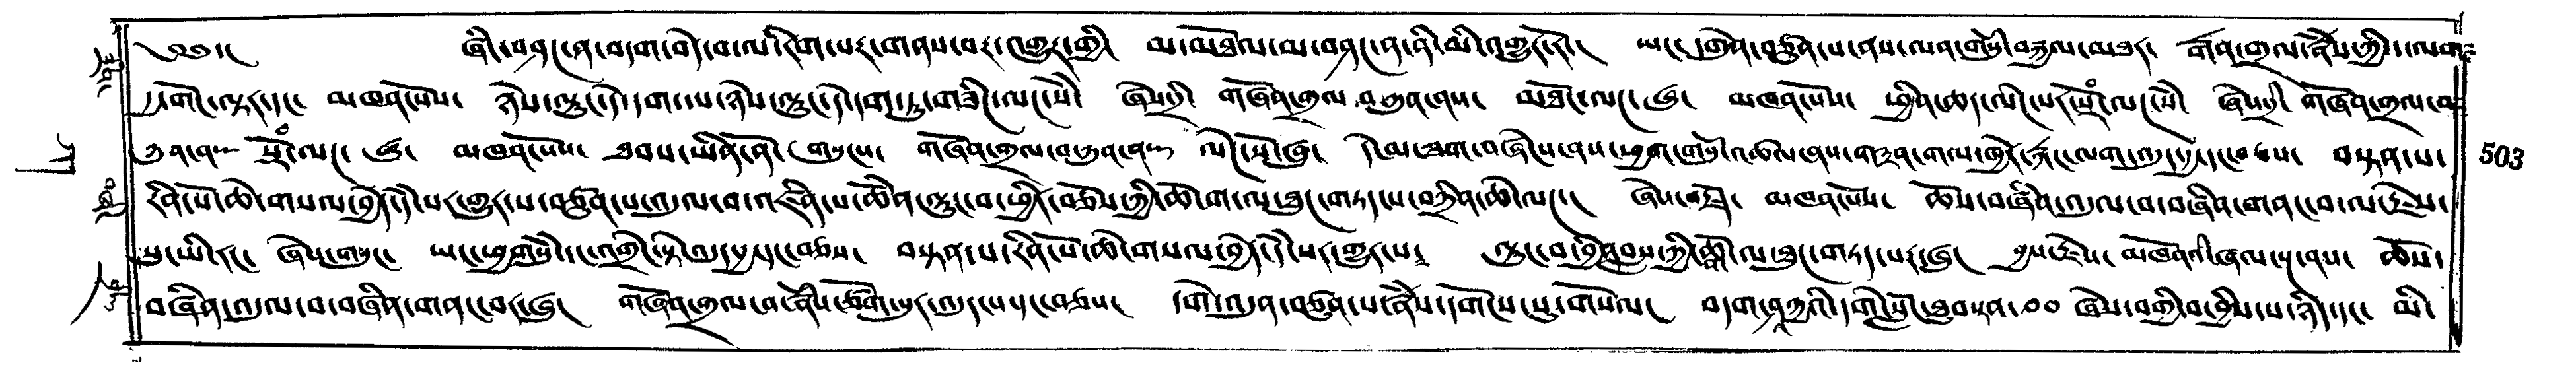ཞིང་བཤགས་ན་བདག་བདེ་བ་ལ་རེག་པར་གནས་པར་འགྱུར་གྱི། མ་མཐོལ་མ་བཤགས་ན་ནི་མི་འགྱུར་རོ།། ཡང་དགེ་འདུན་བཙུན་པ་ནས་ལན་གསུམ་བསྐྱར་མཐར། རྒན་གྲལ་རྣམས་ཀྱི་ལག་
རྒྱ་གོང་ལྟར་དང་། མཁན་པོས། ཉེས་ལྟུང་དེ་དག་ལ་ཉེས་ལྟུང་དེ་དག་ཏུ་གཟིགས་ལགས་སམ། ཞེས་འདྲི། གཞོན་གྲལ་བ་ཀུན་ནས། མཐོང་ལགས་ཞུ། མཁན་པོས། ཕྱིན་ཆད་ལེགས་པར་སྡོམ་ལགས་སམ། ཞེས་དྲི། གཞོན་གྲལ་བ་
ཀུན་ནས། སྡོམ་ལགས། ཞུ། མཁན་པོས། ཐབས་ཡིན་ནོ།། གསུངས། གཞོན་གྲལ་བ་ཀུན་ནས། ལེགས་སོ།། ཞུ། དེ་མ་ཐག་བཞེངས་ནས་ཕྱག་གསུམ་འཚལ་ནས་གཟན་གལ་ཁྱེར་རྐང་ལག་འདུད་རྒྱ་དང་བཅས། བསྟན་པ་
རིན་པོ་ཆེ་གསལ་བྱེད་དམ་པར་གྱུར་པ་བཙུན་པ་འདུལ་བ་འཛིན་པ་ཆེན་པོ་ལྟུང་བ་ཕྱིར་བཅོས་ཀྱི་ཆོ་ག་ལ་ཐུགས་གཏད་པ་བཀའ་དྲིན་ཆེ་ལགས། ཞེས་བརྗོད། མཁན་པོས། ཆོས་བཞིན་འདུལ་བ་བཞིན་གནང་བ་ལ་རྗེས་
སུ་ཡི་རང་། ཞེས་གསུང་། ཡང་ཕྱག་གསུམ་དང་འགྲེང་སྟེ་འདུད་རྒྱ་དང་བཅས། བསྟན་པ་རིན་པོ་ཆེ་གསལ་བྱེད་དམ་པར་གྱུར་པ། ལྟུང་བ་བྱིན་རླབས་ཀྱི་ཆོ་ག་ལ་ཐུགས་གཏད་པར་ཞུ། བྱས་རྗེས།མཁན་པོའི་ཞལ་སྔ་ནས། ཆོས་
བཞིན་འདུལ་བ་བཞིན་གནང་བར་ཞུ། གཞོན་གྲལ་བ་རྣམས་ཙོག་པུར་འདུད་པ་དང་བཅས། དགེ་འདུན་བཙུན་པ་རྣམས་དགོངས་སུ་གསོལ། བདག་ཤཱཀྱའི་དགེ་སློང་ཐུབ་བསྟན༴ ཞེས་བགྱི་བ་བྱིས་པ་ཉིད་དང་། མི་